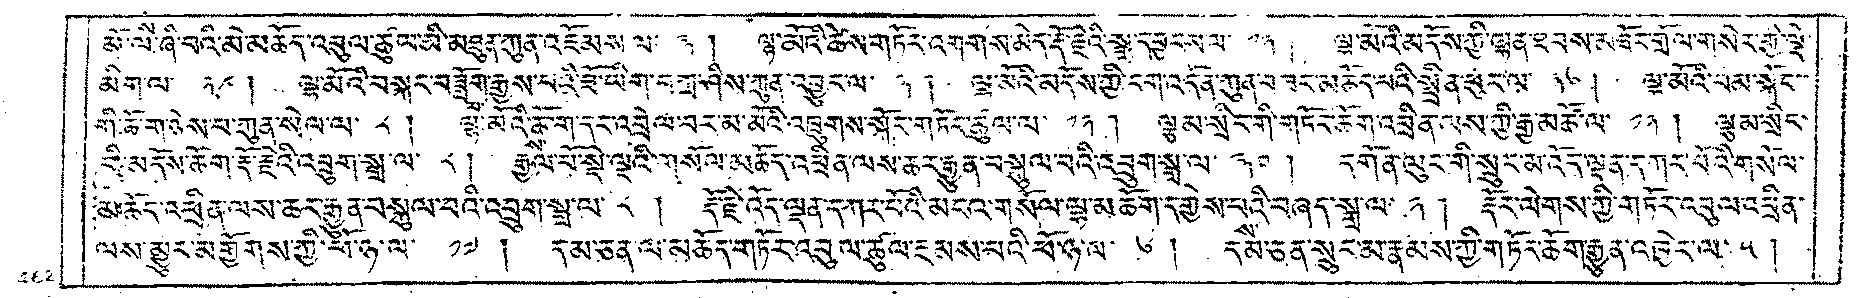མོ་ལ་{ས}་ཞི་བའི་མེ་མཆོད་འབུལ་ཚུལ་མི་མཐུན་ཀུན་འཇོམས་ལ ༣། ལྷ་མོའི་ཚེས་གཏོར་འགགས་མེད་རྡོ་རྗེའི་སྒྲ་དབྱངས་ལ ༡༢། ལྷ་མོའི་མདོས་ཀྱི་ལྷན་ཐབས་མཐོང་གྲོལ་གསེར་གྱི་ལྡེ་
མིག་ལ ༢༩། ལྷ་མོའི་བསྐང་བཟློག་རྒྱས་པའི་ཐོ་ཡིག་བཀྲ་ཤིས་ཀུན་འབྱུང་ལ ༣། ལྷ་མོའི་མདོས་ཀྱི་ངག་འདོན་ཀུན་བཟང་མཆོད་པའི་སྤྲིན་ཕུང་ལ ༣༦། ལྷ་མོའི་བམ་སྐོང་
གི་ཆོ་ག་ཉེས་པ་ཀུན་སེལ་ལ ༨། མ་ལྷ་མོའི་ཆོ་ག་དང་འབྲེལ་བར་མ་མོའི་འཁྲུགས་སྐོང་གཏོང་ཚུལ་ལ ༡༢། ལྕམ་སྲིང་གི་གཏོར་ཆོག་འཕྲིན་ལས་ཀྱི་རྒྱ་མཚོ་ལ ༡༢། ལྕམ་སྲིང་
གི་མདོས་ཆོག་རྡོ་རྗེའི་འབྲུག་སྒྲ་ལ ༨། {ས}་རྒྱལ་པོ་སྡེ་ལྔའི་གསོལ་མཆོད་འཕྲིན་ལས་ཆར་རྒྱུན་བསྐུལ་བའི་འབྲུག་སྒྲ་ལ ༣༠། དགོན་ལུང་གི་སྲུང་མ་འོད་ལྡན་དཀར་པོའི་གསོལ་
མཆོད་འཕྲིན་ལས་ཆར་རྒྱུན་བསྐུལ་བའི་འབྲུག་སྒྲ་ལ ༨། རྡོ་རྗེ་འོད་ལྡན་དཀར་པོའི་མངའ་གསོལ་ལྷ་མཆོག་དགྱེས་པའི་བཞད་སྒྲ་ལ ༢། རྡོར་ལེགས་ཀྱི་གཏོར་འབུལ་འཕྲིན་
ལས་མྱུར་མགྱོགས་ཀྱི་ཕོ་ཉ་ལ ༡༧། དམ་ཅན་ལ་མཆོད་གཏོར་འབུལ་ཚུལ་རྔམས་པའི་ཕོ་ཉ་ལ ༦། ས་དམ་ཅན་སྲུང་མ་རྣམས་ཀྱི་གཏོར་ཆོག་རྒྱུན་འཁྱེར་ལ ༥།